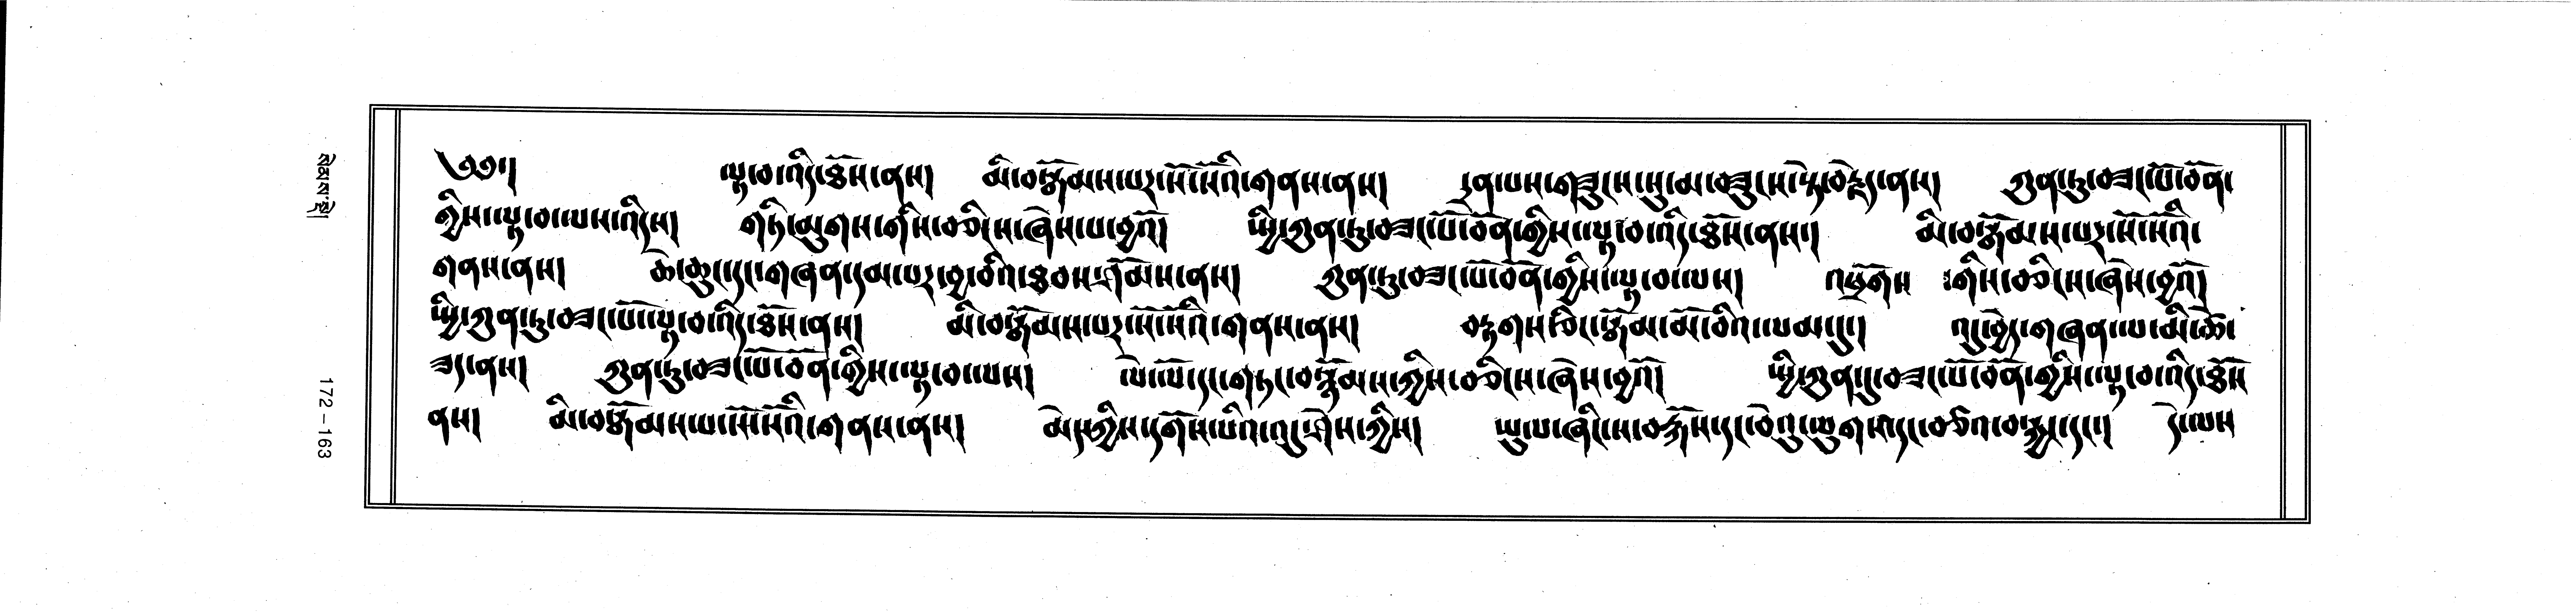ལྟ་བ་འདི་ཐོས་ནས། མི་བསྒོམས་པར་སོ་སོའི་གནས་ནས་ལྟ་བ་དེ་ཁ་ཐོན་དུ་ཁྱེར་ནས། ཕ་རོལ་ལ་ཐེ་ཚོམས་དགོད་ཅིང་། བློ་ཆུང་ཡང་ཁང་དགེ་བ་རྣམས་ཀྱིས་ངར་གཅོགས་ནས། ཀུན་ཏུ་བཟང་པོ་བོན་
གྱིས་ལྟ་བ་ལས། ང་རྒྱལ་གྱིས་བཅིངས་ཞེས་བྱའོ། སྤྱི་ཀུན་ཏུ་བཟང་པོ་བོན་གྱིས་ལྟ་བ་འདི་ཐོས་ནས། མི་བསྒོམས་པ་སོ་སོའི་
གནས་ནས། ལྟ་བ་དེ་ལས་ཆེ་བསྙེད་ནས། ལོག་འཚོ་དང་སློང་ཁྲོ་དང་ཁེ་སྤོགས་ལས་སེམས་འཕྱོས་ནས། ཀུན་ཏུ་བཟང་པོ་བོན་གྱི་ལྟ་བ་ལས། འདོད་ཆགས་ཀྱིས་བཅིངས་ཞེས་བྱའོ། 
སྤྱི་ཀུན་ཏུ་བཟང་པོ་བོན་གྱི་ལྟ་བ་འདི་ཐོས་ནས། མི་བསྒོམས་པར་སོ་སོའི་གནས་ནས། བརྟགས་ཅིང་སྒོམ་མོ་བའི་ཀམ་དུ། འདུ་བྱེད་གཞན་པ་མི་ཚེ་
ཟད་ནས། ཀུན་ཏུ་བཟང་པོ་བོན་གྱིས་ལྟ་བ་ལས་འདིས། ལེ་ལོ་དང་གཏང་བསྙོམས་ཀྱིས་བཅིངས་ཞེས་བྱའོ། སྤྱི་ཀུན་ཏུ་བཟང་པོ་བོན་གྱིས་ལྟ་བ་འདི་ཐོས་
ནས། མི་བསྒོམས་པར་སོ་སོའི་གནས་ནས། མི་བསྒོམས་པར་སོ་སོའི་གནས་ནས། མེད་ཀྱིས་དགོས་པའི་འདུ་ཤེས་ཀྱིས། ཡུལ་ཞིང་ས་བརྐོས་དང་བེའུ་ལུག་དང་བཙའ་བསྐྱང་དང་། དེ་ལས་སེམས་